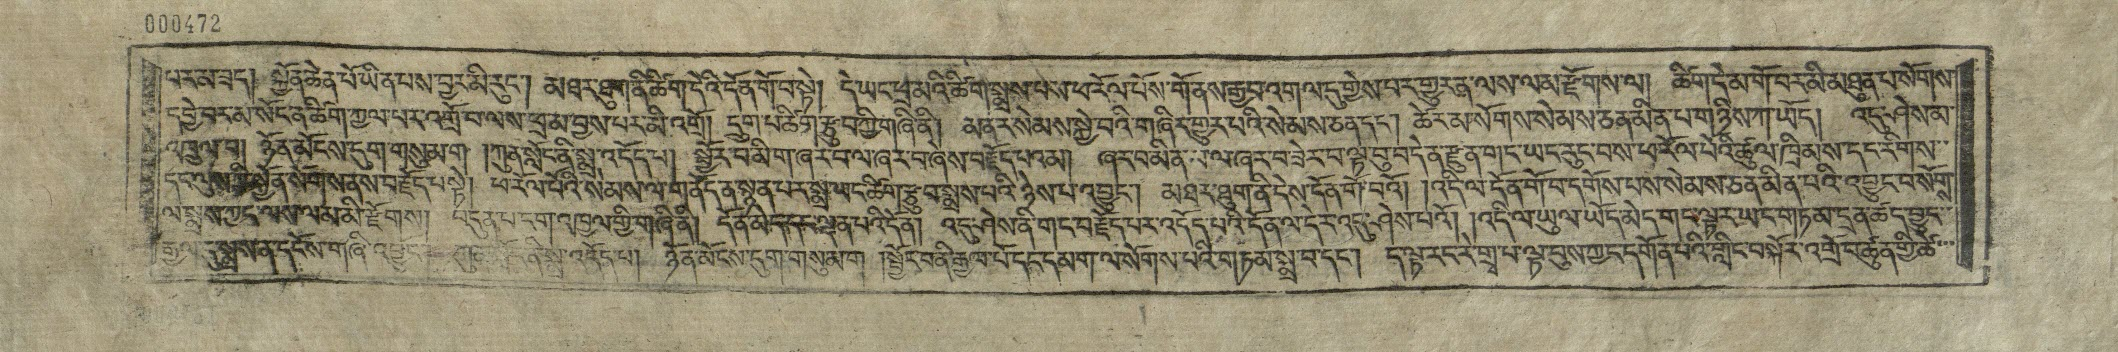པར་མ་ཟད། སྐྱོན་ཆེན་པོ་ཡིན་པས་བྱར་མི་རུང་། མཐར་ཐུག་ནི་ཚིག་དེའི་དོན་གོ་བ་སྟེ། དེ་ཡང་ཕྲ་མའི་ཚིག་སྨྲས་པས་ཕ་རོལ་པོས་གོ་ནས་རྒྱབ་འགལ་དུ་གྱེས་པར་གྱུར་ན་ལས་ལམ་རྫོགས་ལ། ཚིག་དེ་མ་གོ་བར་མི་མཐུན་པ་སོགས་
དབྱེ་བར་མ་སོང་ན་ཚིག་ཀྱལ་པར་འགྲོ་བ་ལས་ཕྲ་མ་བྱས་པར་མི་འགྲོ། དྲུག་པ་ཚིག་རྩུབ་ཀྱི་གཞི་ནི། མནར་སེམས་སྐྱེ་བའི་གཞིར་གྱུར་པའི་སེམས་ཅན་དང་། ཚེར་མ་སོགས་སེམས་ཅན་མིན་པ་གཉིས་ཀ་ཡོད། འདུ་ཤེས་མ་
འཁྲུལ་བ། ཉོན་མོངས་དུག་གསུམ་ག །ཀུན་སློང་ནི་སྨྲ་འདོད་པ། སྦྱོར་བ་མིག་ཞར་བ་ལ་ཞར་བ་ཞེས་བརྗོད་པའམ། ཞར་བ་མིན་པ་ལ་ཞར་བ་ཟེར་བ་ལྟ་བུ་བདེན་རྫུན་གང་ཡང་རུང་བས་ཕ་རོལ་པོའི་ཚུལ་ཁྲིམས་དང་རིགས་
དང་ལུས་ཀྱི་སྐྱོན་སོགས་ནས་བརྗོད་པ་སྟེ། ཕ་རོལ་པོའི་སེམས་ལ་གནོད་ན་སྙན་པར་སྨྲ་ཡང་ཚིག་རྩུབ་སྨྲས་པའི་ཉེས་པ་འབྱུང་། མཐར་ཐུག་ནི་དེས་དོན་གོ་བའོ། །འདི་ལ་དོན་གོ་བ་དགོས་པས་སེམས་ཅན་མིན་པའི་འབྱུང་བ་སོགས་
ལ་སྨྲས་ཀྱང་ལས་ལམ་མི་རྫོགས། བདུན་པ་ངག་འཁྱལ་གྱི་གཞི་ནི། དོན་མེད་དང་ལྡན་པའི་དོན། འདུ་ཤེས་ནི་གང་བརྗོད་པར་འདོད་པའི་དོན་ལ་དེར་འདུ་ཤེས་པའོ། །འདི་ལ་ཡུལ་ཡོད་མེད་གང་ལྟར་ཡང་གཏམ་དྲན་ཚད་བྱུང་
རྒྱལ་དུ་སྨྲས་ན་དངོས་གཞི་འབྱུང་། ཀུན་སློང་ནི་སྨྲ་འདོད་པ། ཉོན་མོངས་དུག་གསུམ་པ། །སྦྱོར་བ་ནི་རྒྱལ་པོ་དང་དམག་ལ་སོགས་པའི་གཏམ་སྨྲ་བ་དང་། ད་ལྟར་རང་རེ་གྲྭ་པ་ལྟ་བུས་ཀྱང་དགོན་པའི་གླིང་བསྐོར་འགྲོ་བ་ཚུན་གྱི་ཚེ་